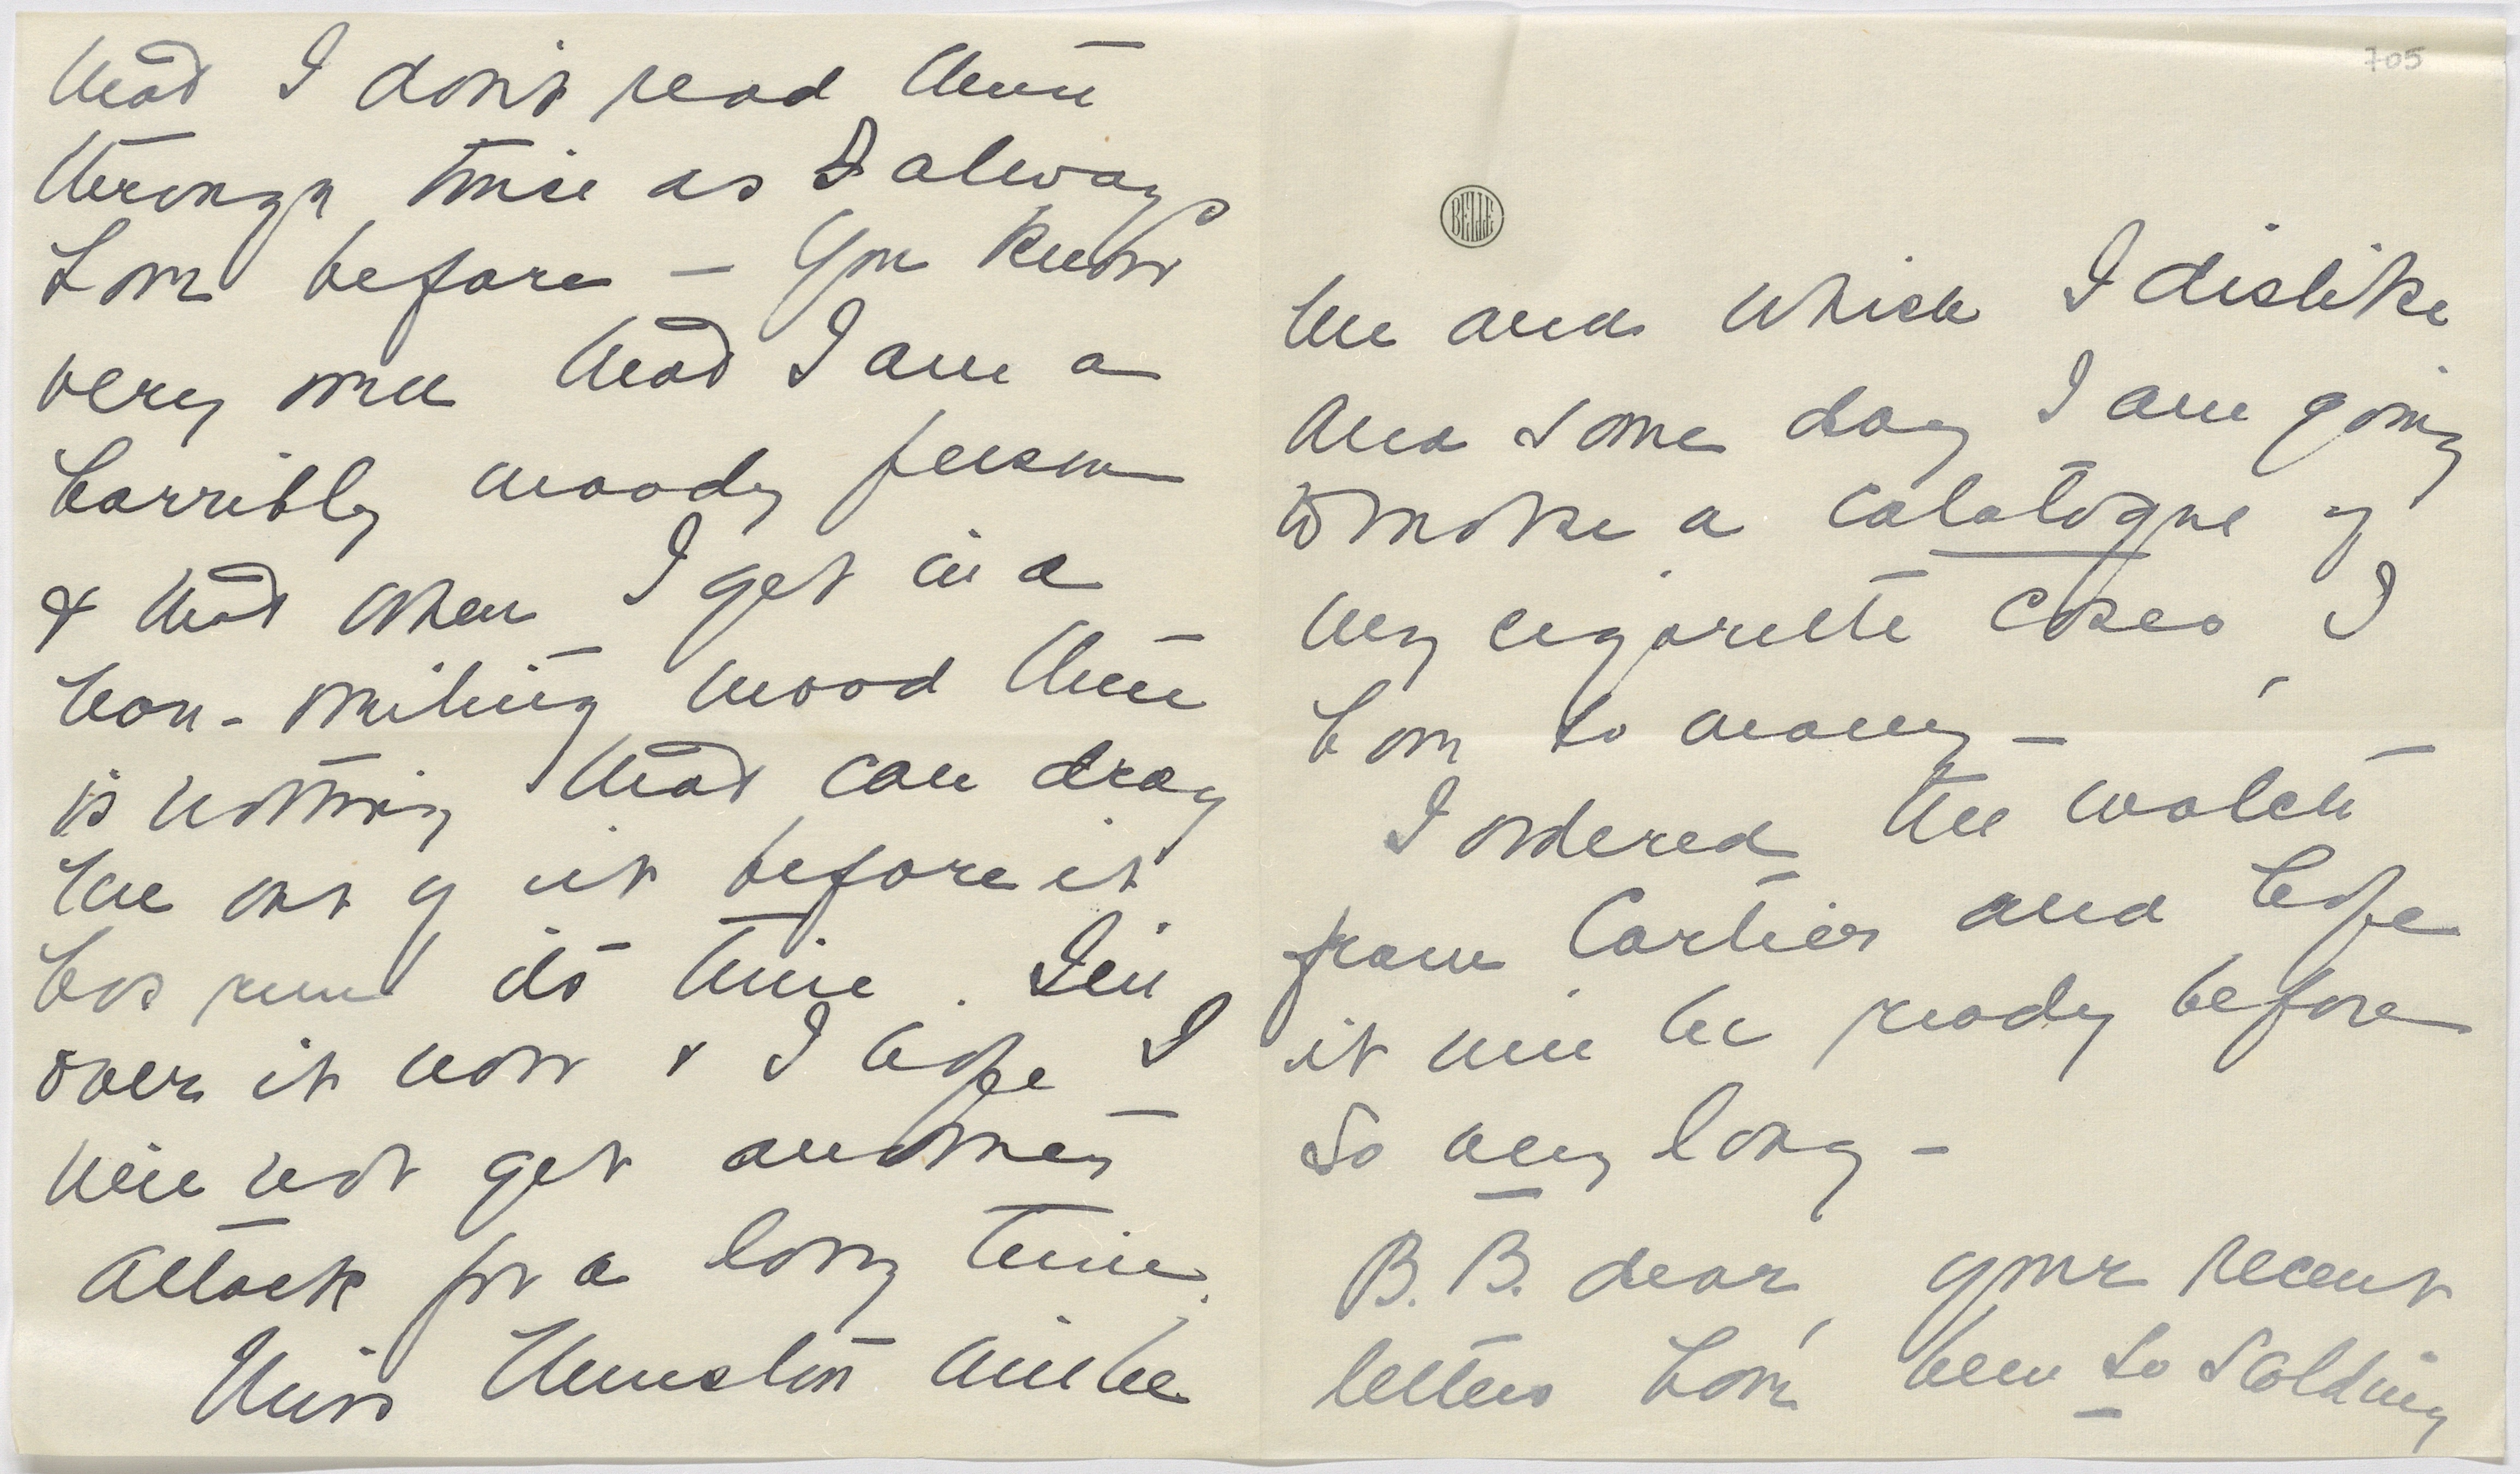me and which I dislike and some day I am going to make a catalogue of my cigarette cases I have so many –
I ordered the watch from Cartier and hope it will be ready before so very long –
B. B. dear, your recent letters have been so scolding
that I don’t read them through twice as I always have before – You know very well that I am a horribly moody person & that when I get in a non-writing mood there is nothing that can drag me out of it before it has run its time. I’m over it now & I hope will not get another attack for a long time.
Miss Thurston will be